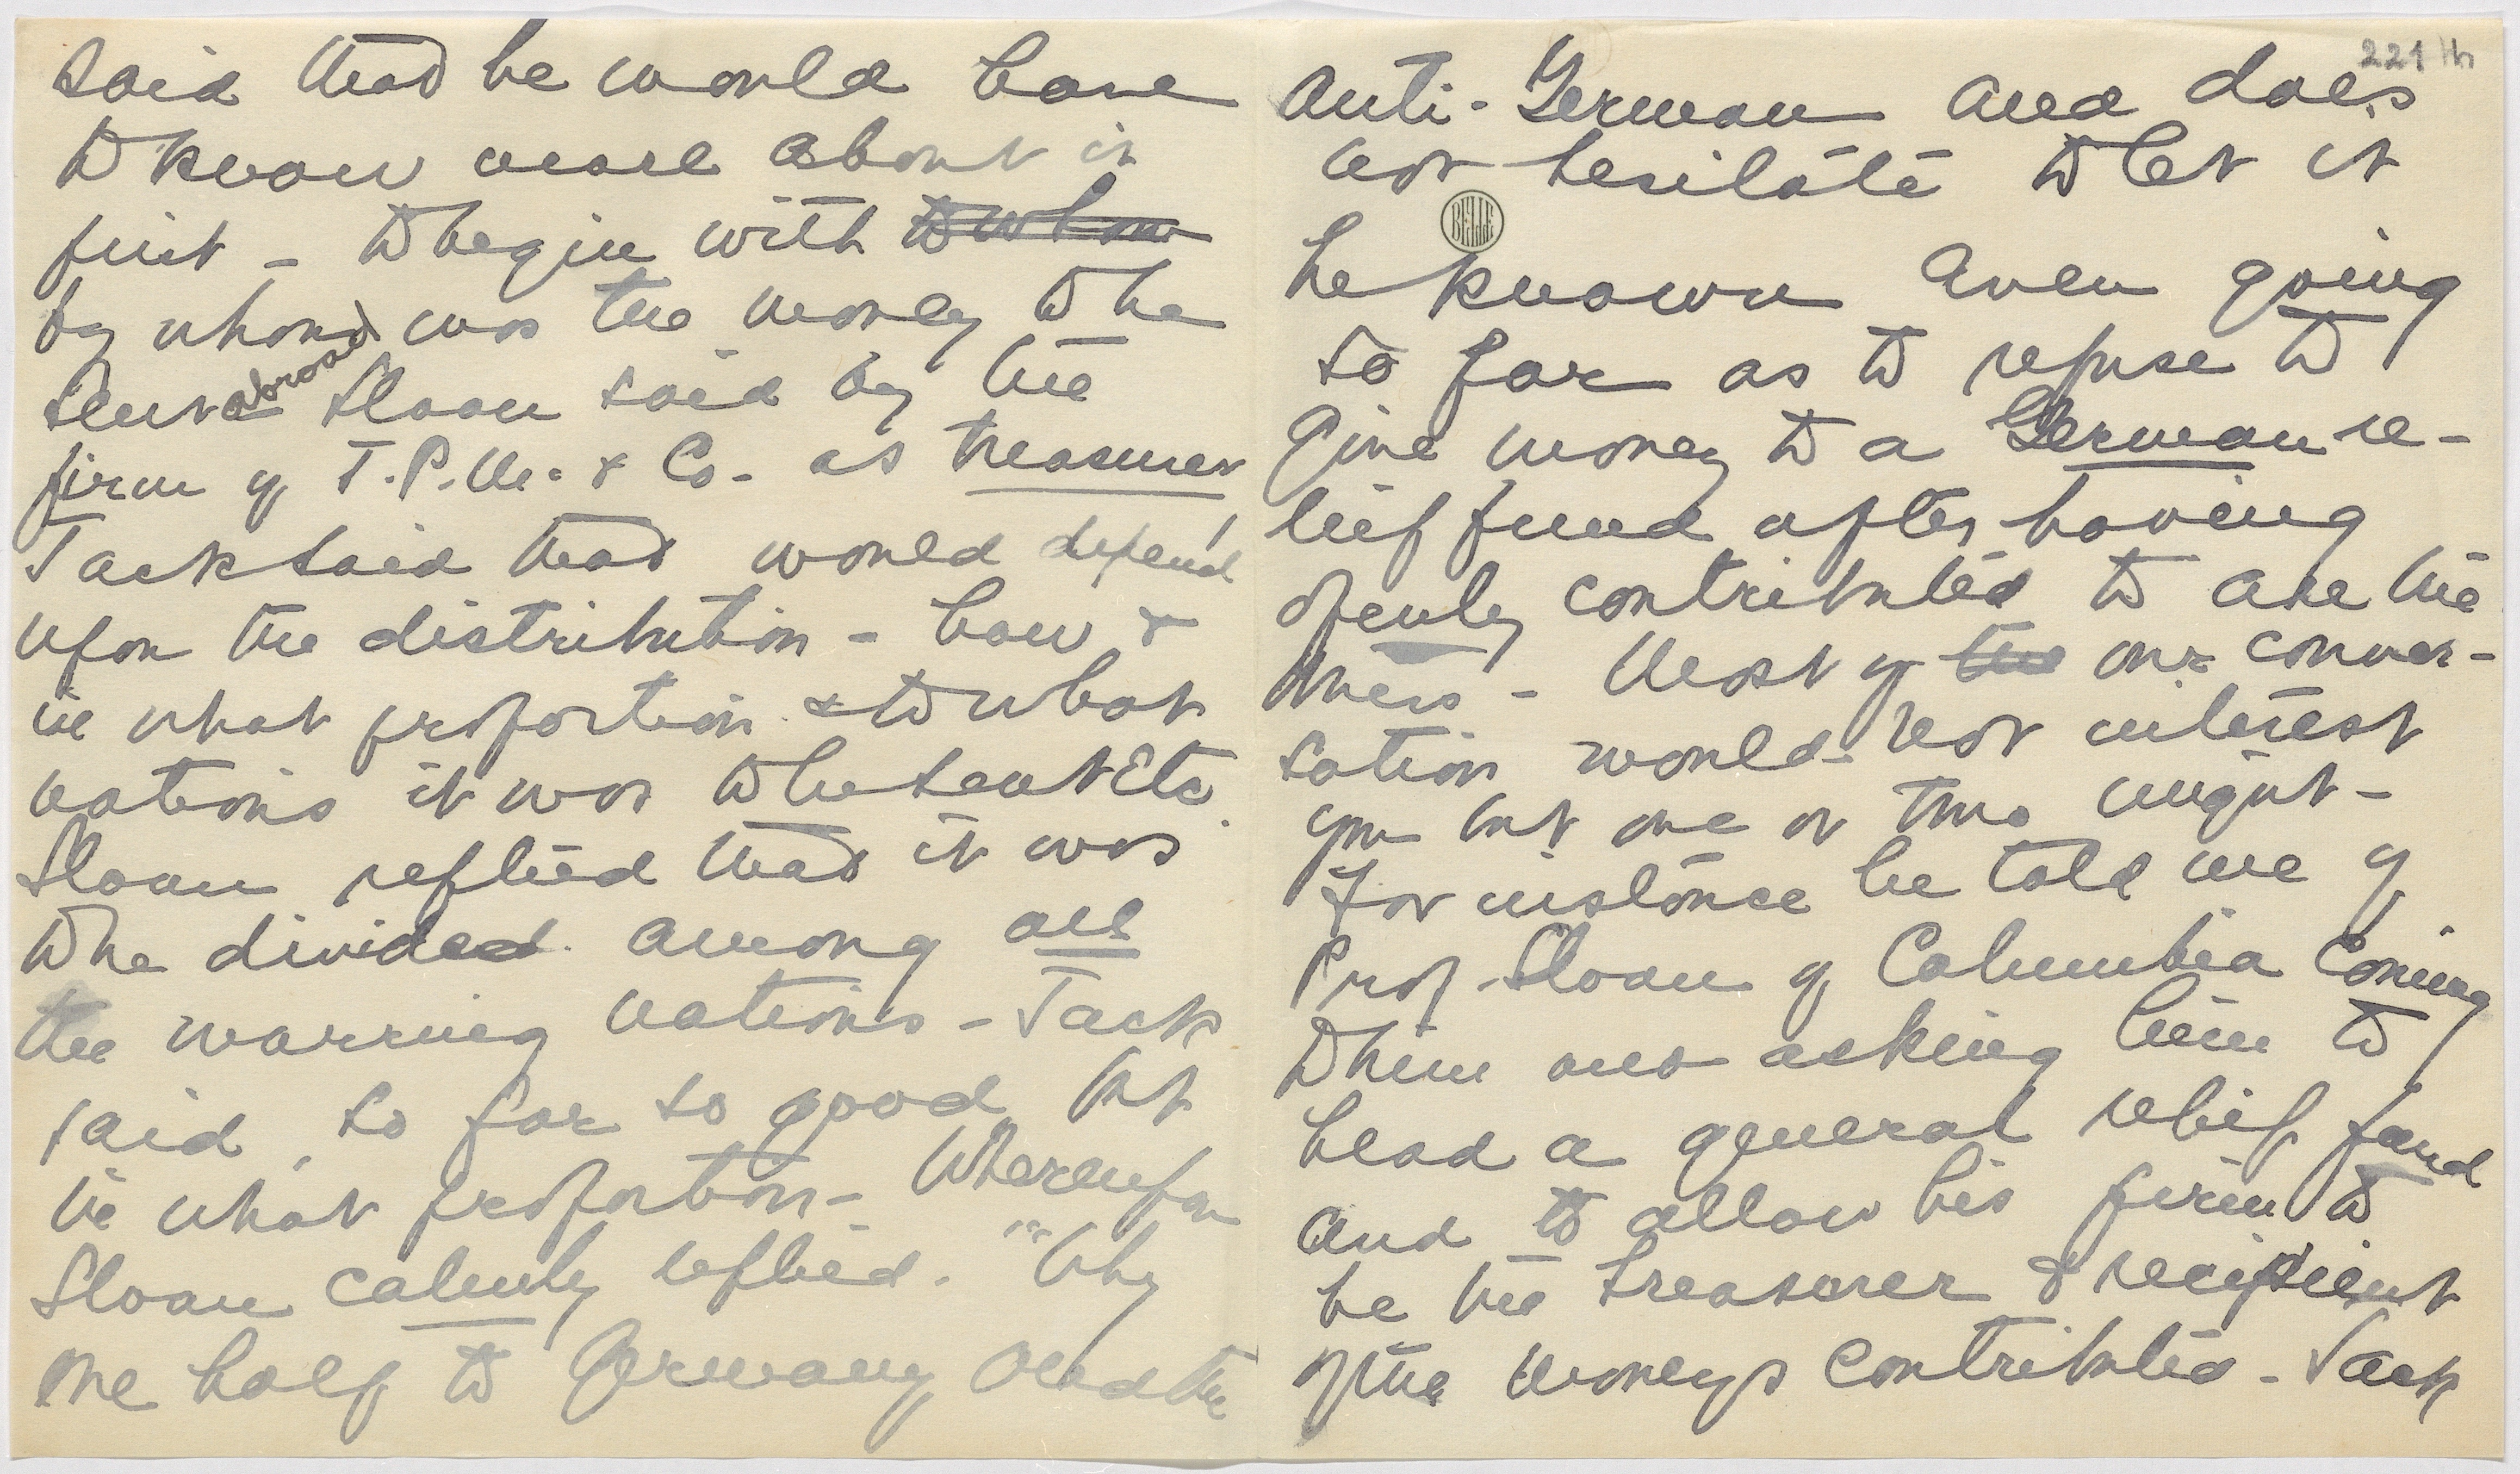anti-German and does not hesitate to let it be known even going so far as to refuse to give money to a German relief fund after having openly contributed to all the others – Most of the our conversation would not interest you but one or two might – For instance he told me of Prof. Sloan [sic] of Columbia coming to him and asking him to head a general relief fund and to allow his firm to be the Treasurer & recipient of the moneys contributed. Jack
said that he would have to know more about it first – to begin with to whom by whom was the money to be sent [inserted in secretarial script: abroad] – Sloan said by the firm of J.P.M. & Co. as treasurer Jack said that would depend upon the distribution – how & in what proportion & to what nations it was to be sent etc. Sloan replied that it was to be divided among all the warring nations – Jack said so far so good but in what proportion – Whereupon Sloan calmly replied, “Why one half to Germany and the